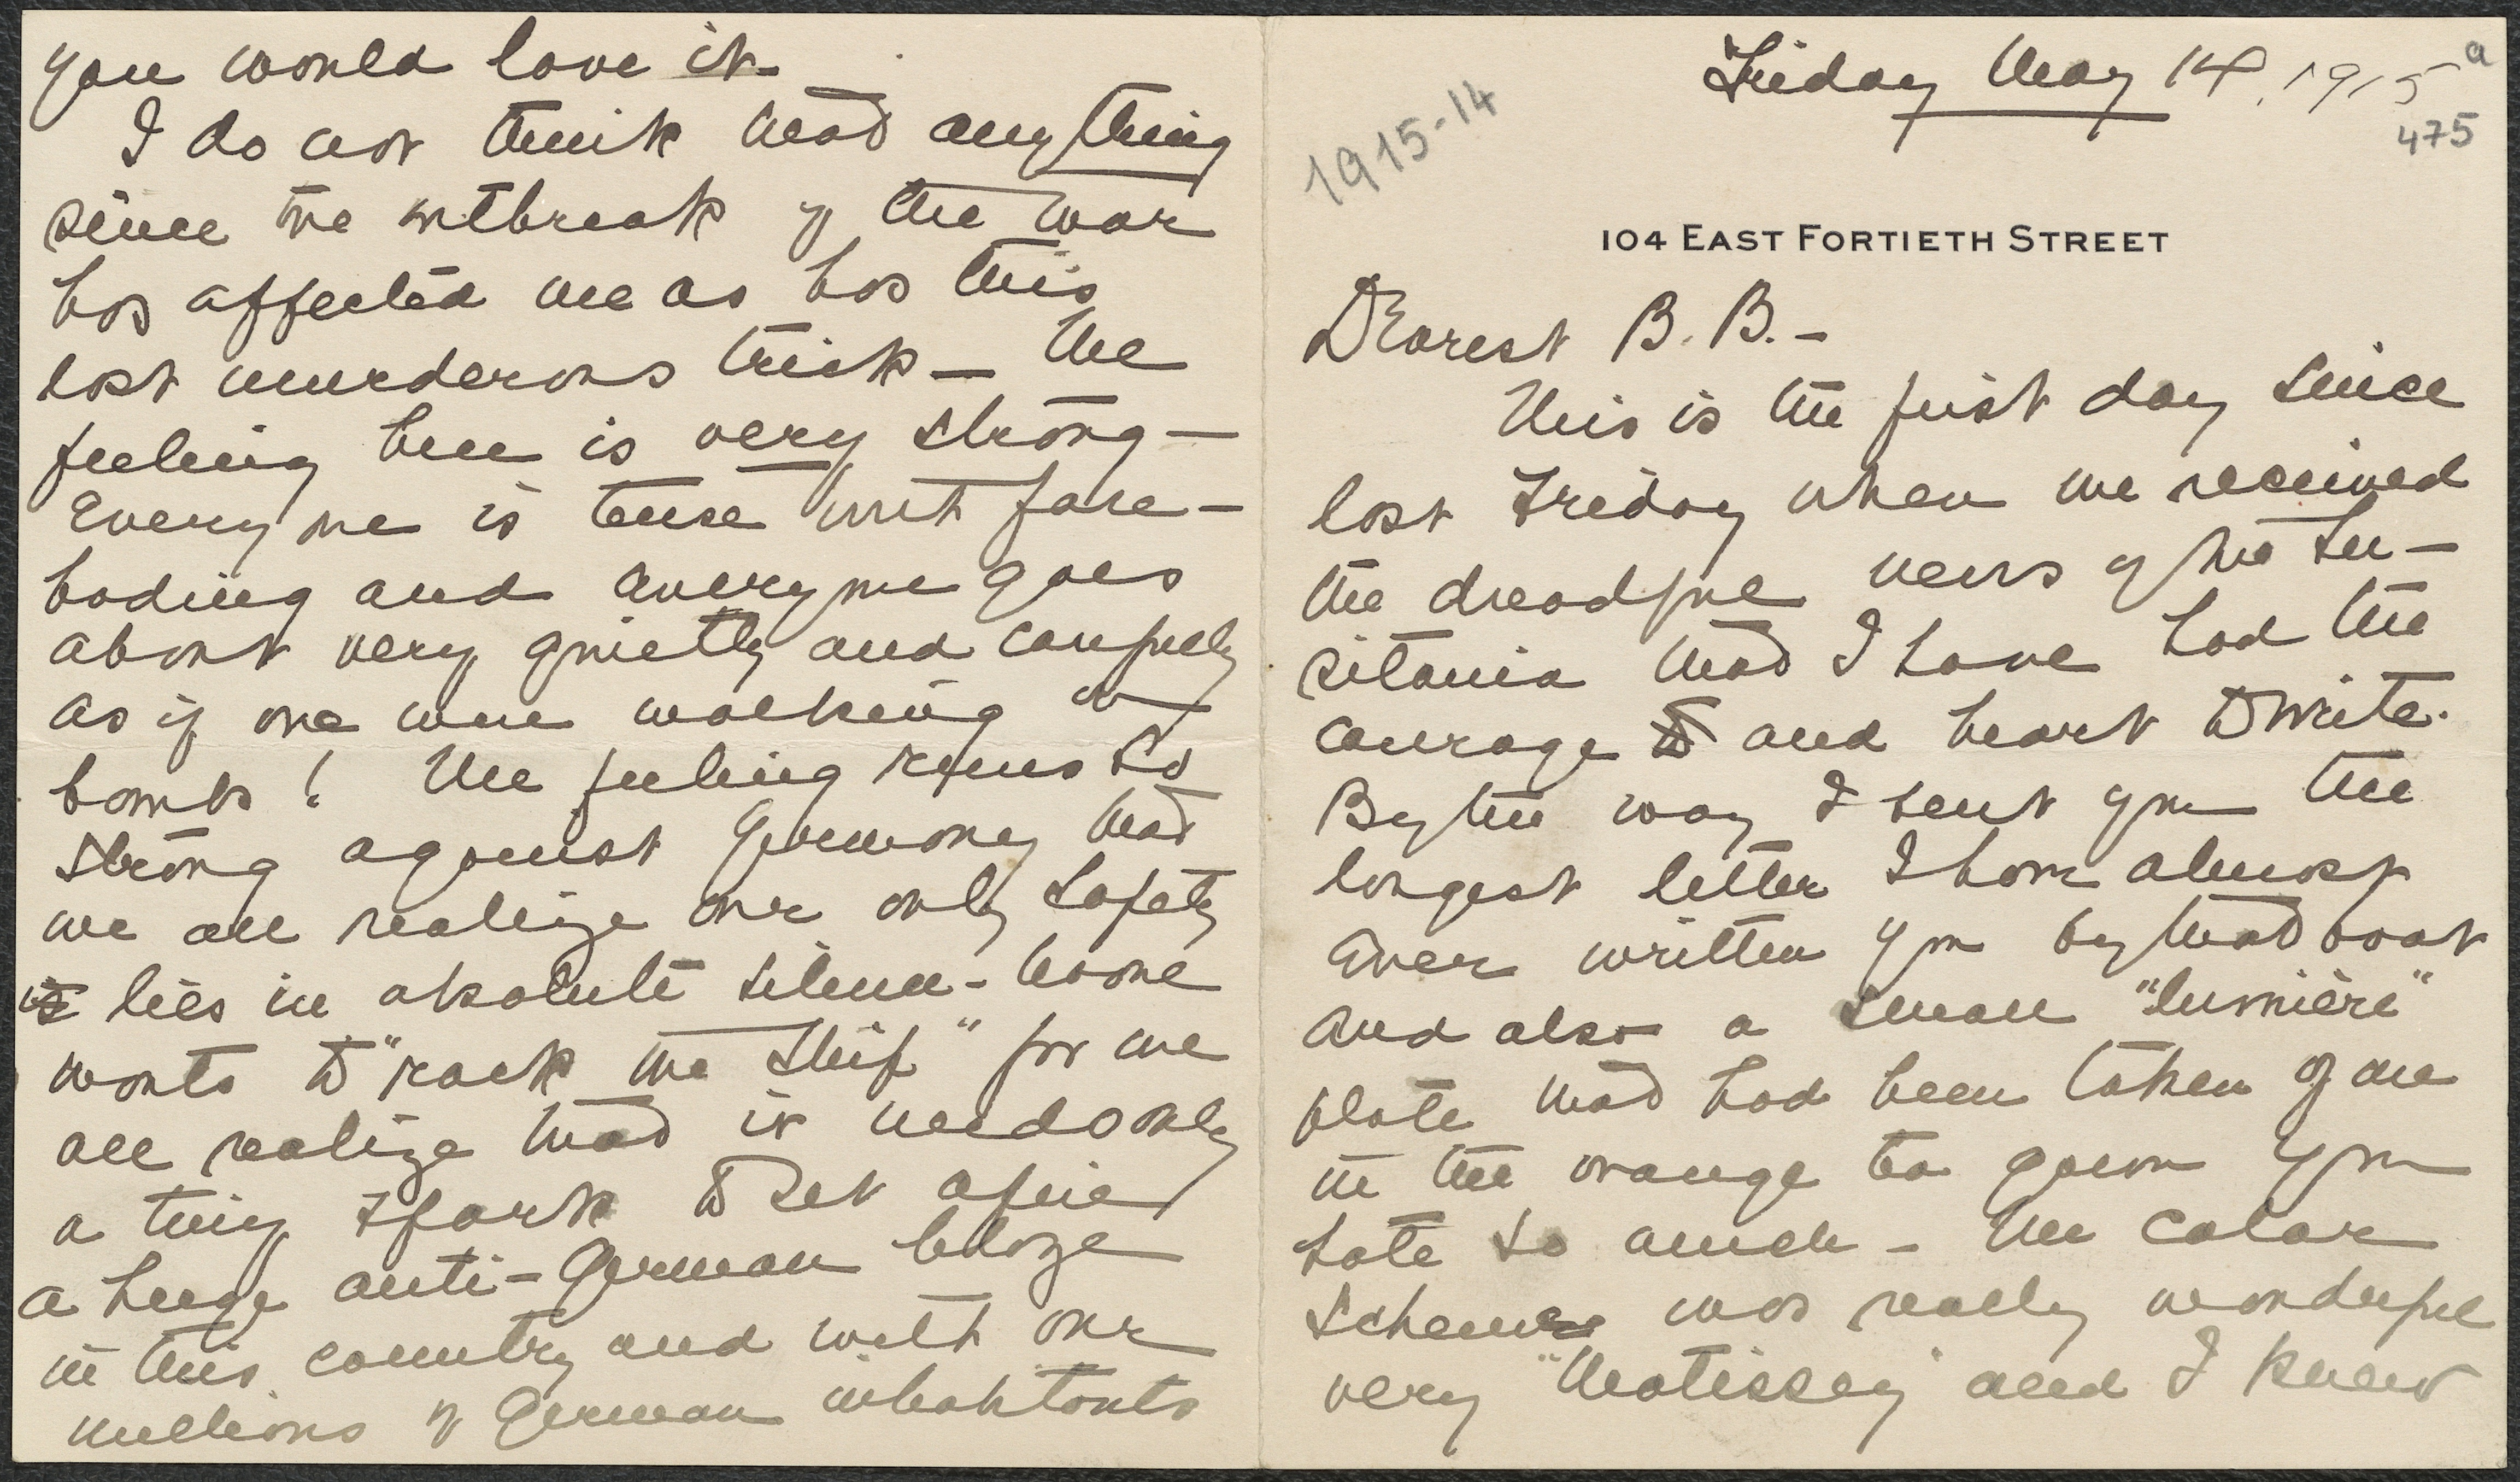Friday, May 14
Dearest B. B. –
This is the first day since last Friday when we received the dreadful news of the Lusitania that I have had the courage to and heart to write. By the way I sent you the longest letter I have almost ever written you by that boat and also a small “lumière” plate that had been taken of me in the orange tea gown you hate so much – the color scheme was really wonderful very “Matissey” and I knew
you would love it
I do not think that anything since the outbreak of the war has affected me as has this last murderous trick – the feeling here is very strong – Every one is tense with foreboding and everyone goes about very quietly and carefully as if one were walking on bombs! The feeling runs so strong against Germany that we all realize our only safety is lies in absolute silence – no one wants to “rock the ship” for we all realize that it need only a tiny spark to set afire a huge anti-German blaze in this country and with our millions of German inhabitants